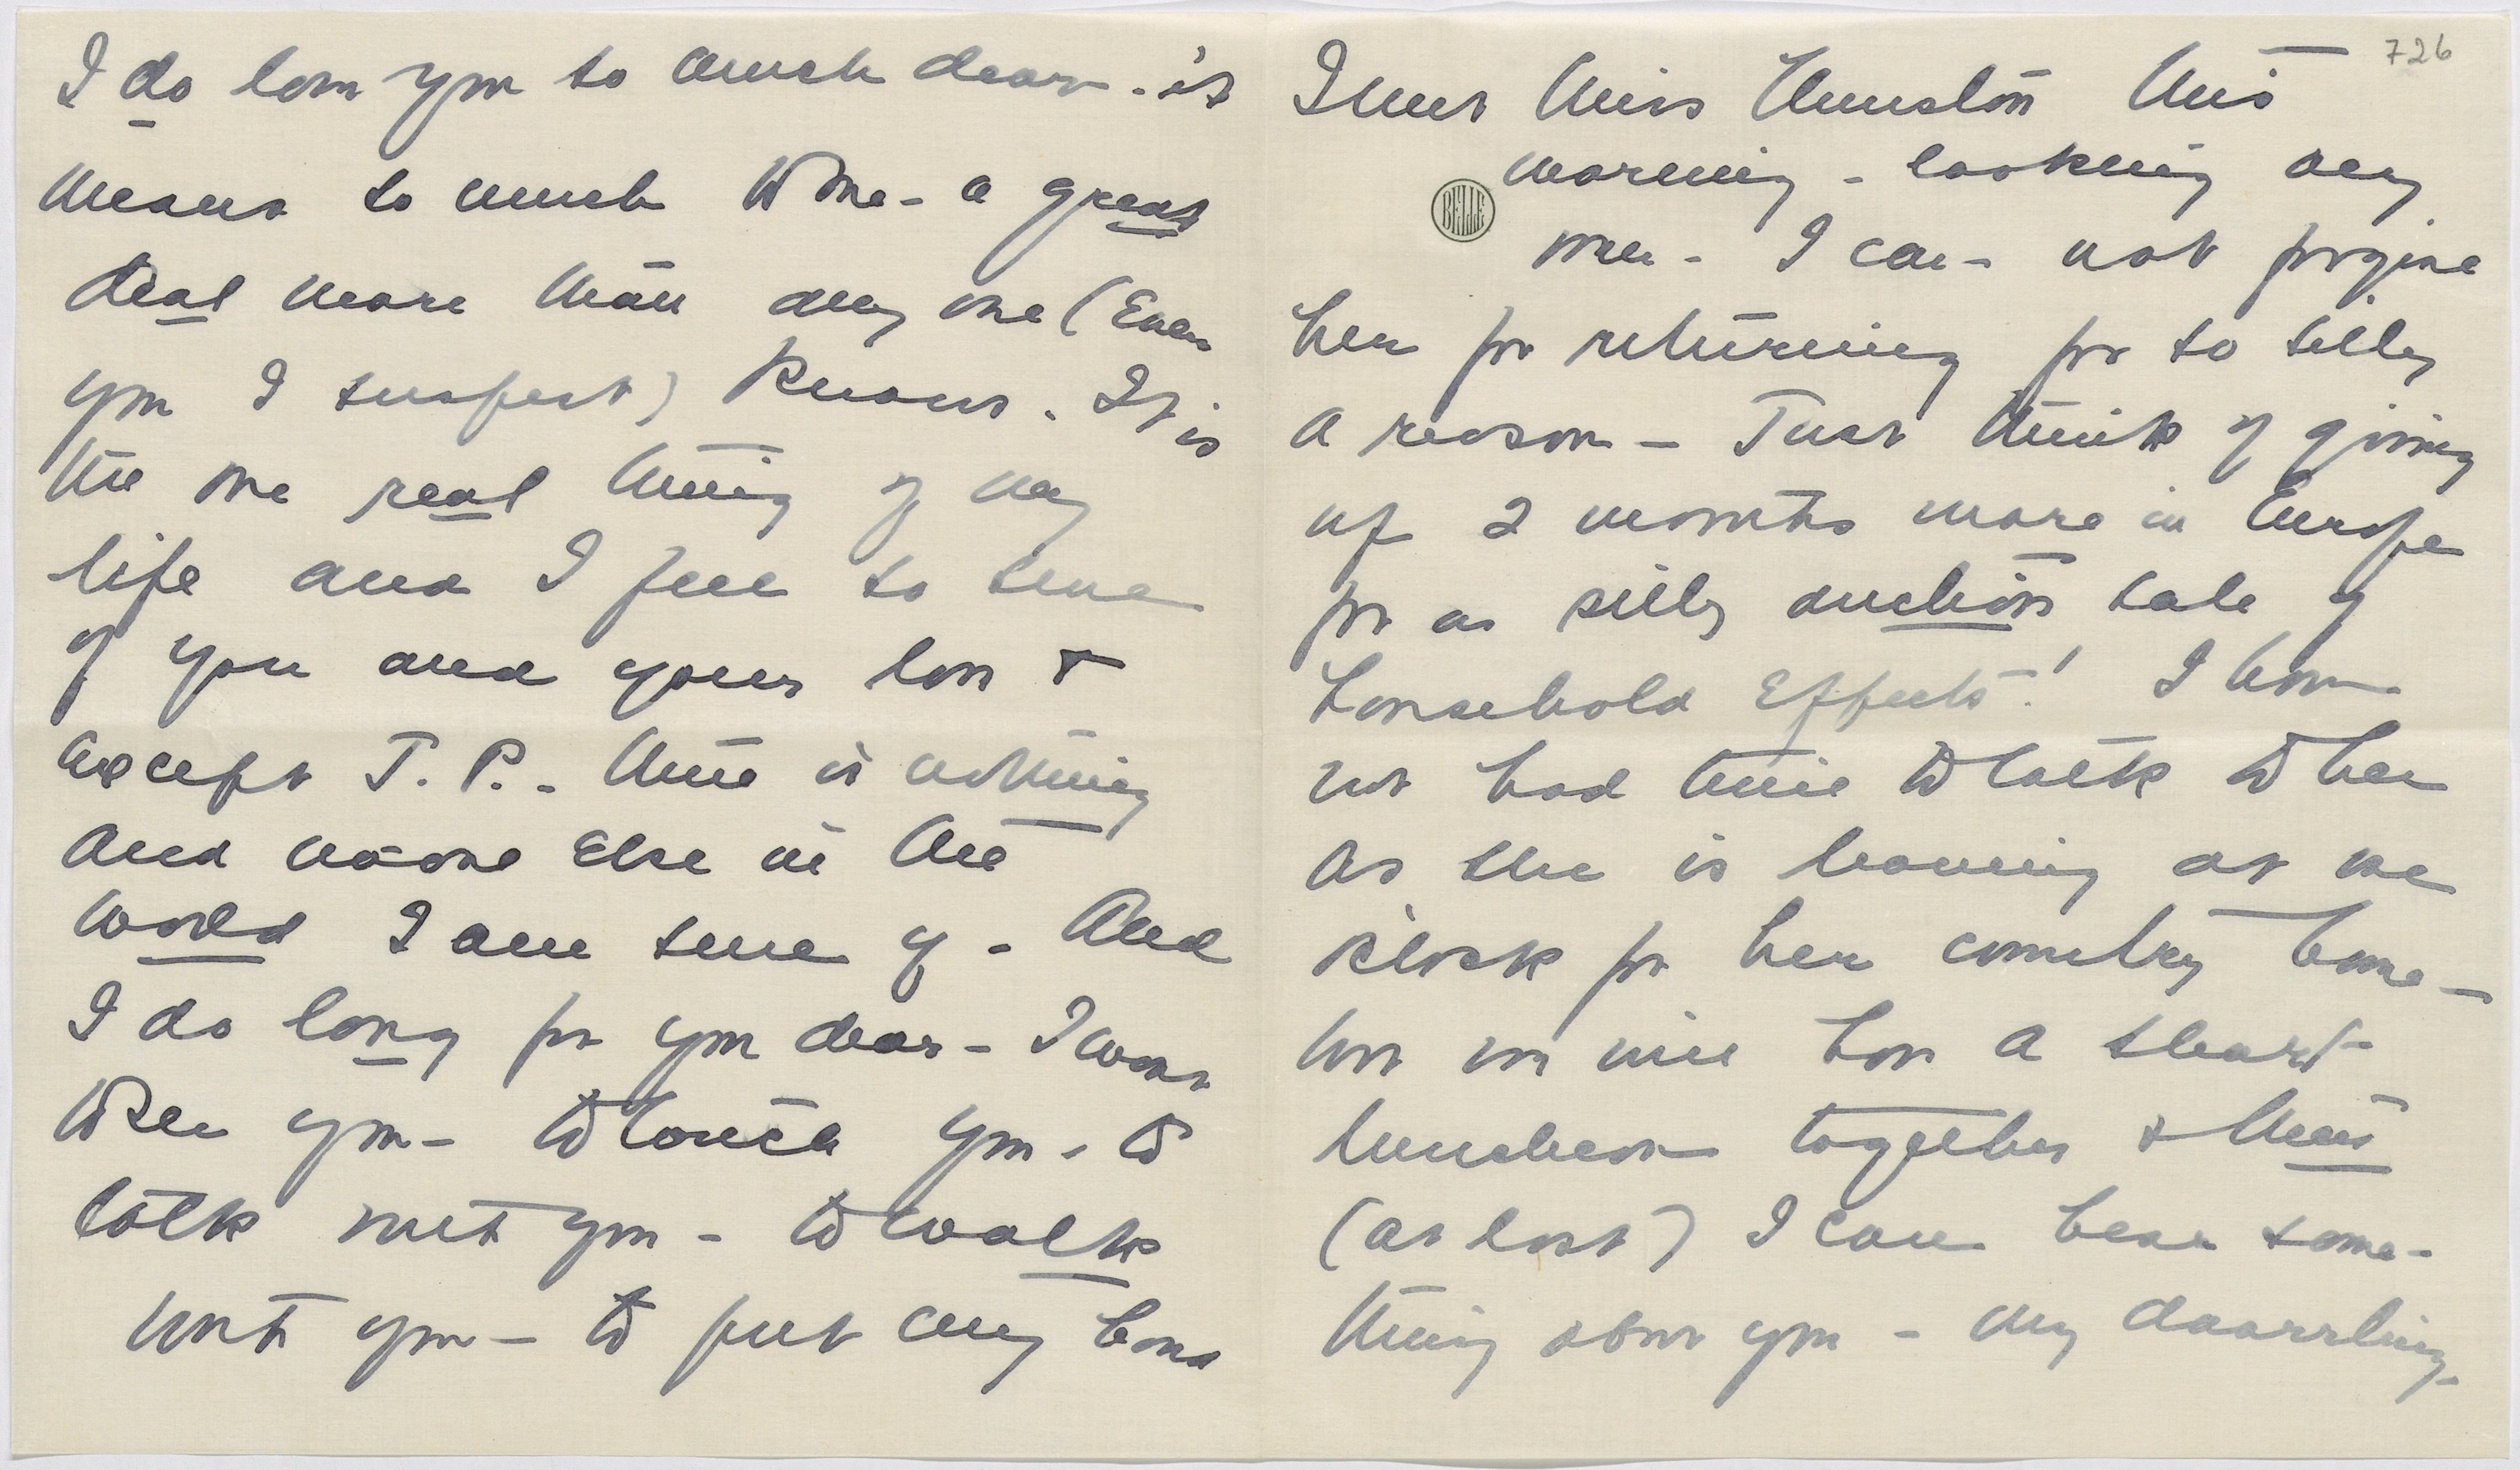I met Miss Thurston this morning – looking very well – I can not forgive her for returning for so silly a reason – Just think of giving up 2 months more in Europe for a silly auction sale of household effects! I have not had time to talk to her as she is leaving at one o’clock for her country home – but we will have a short luncheon together & then (at last) I can hear something about you – my daarrling.
I do love you so much dear – it meant so much to me – a great deal more than any one (even you I suspect) knows. It is the one real thing of my life and I feel so sure of you and your love & except J. P. there is nothing and no one else in the world I am sure of – And I do long for you dear – I want to see you – to touch you – to talk with you – to walk with you – to put my hand